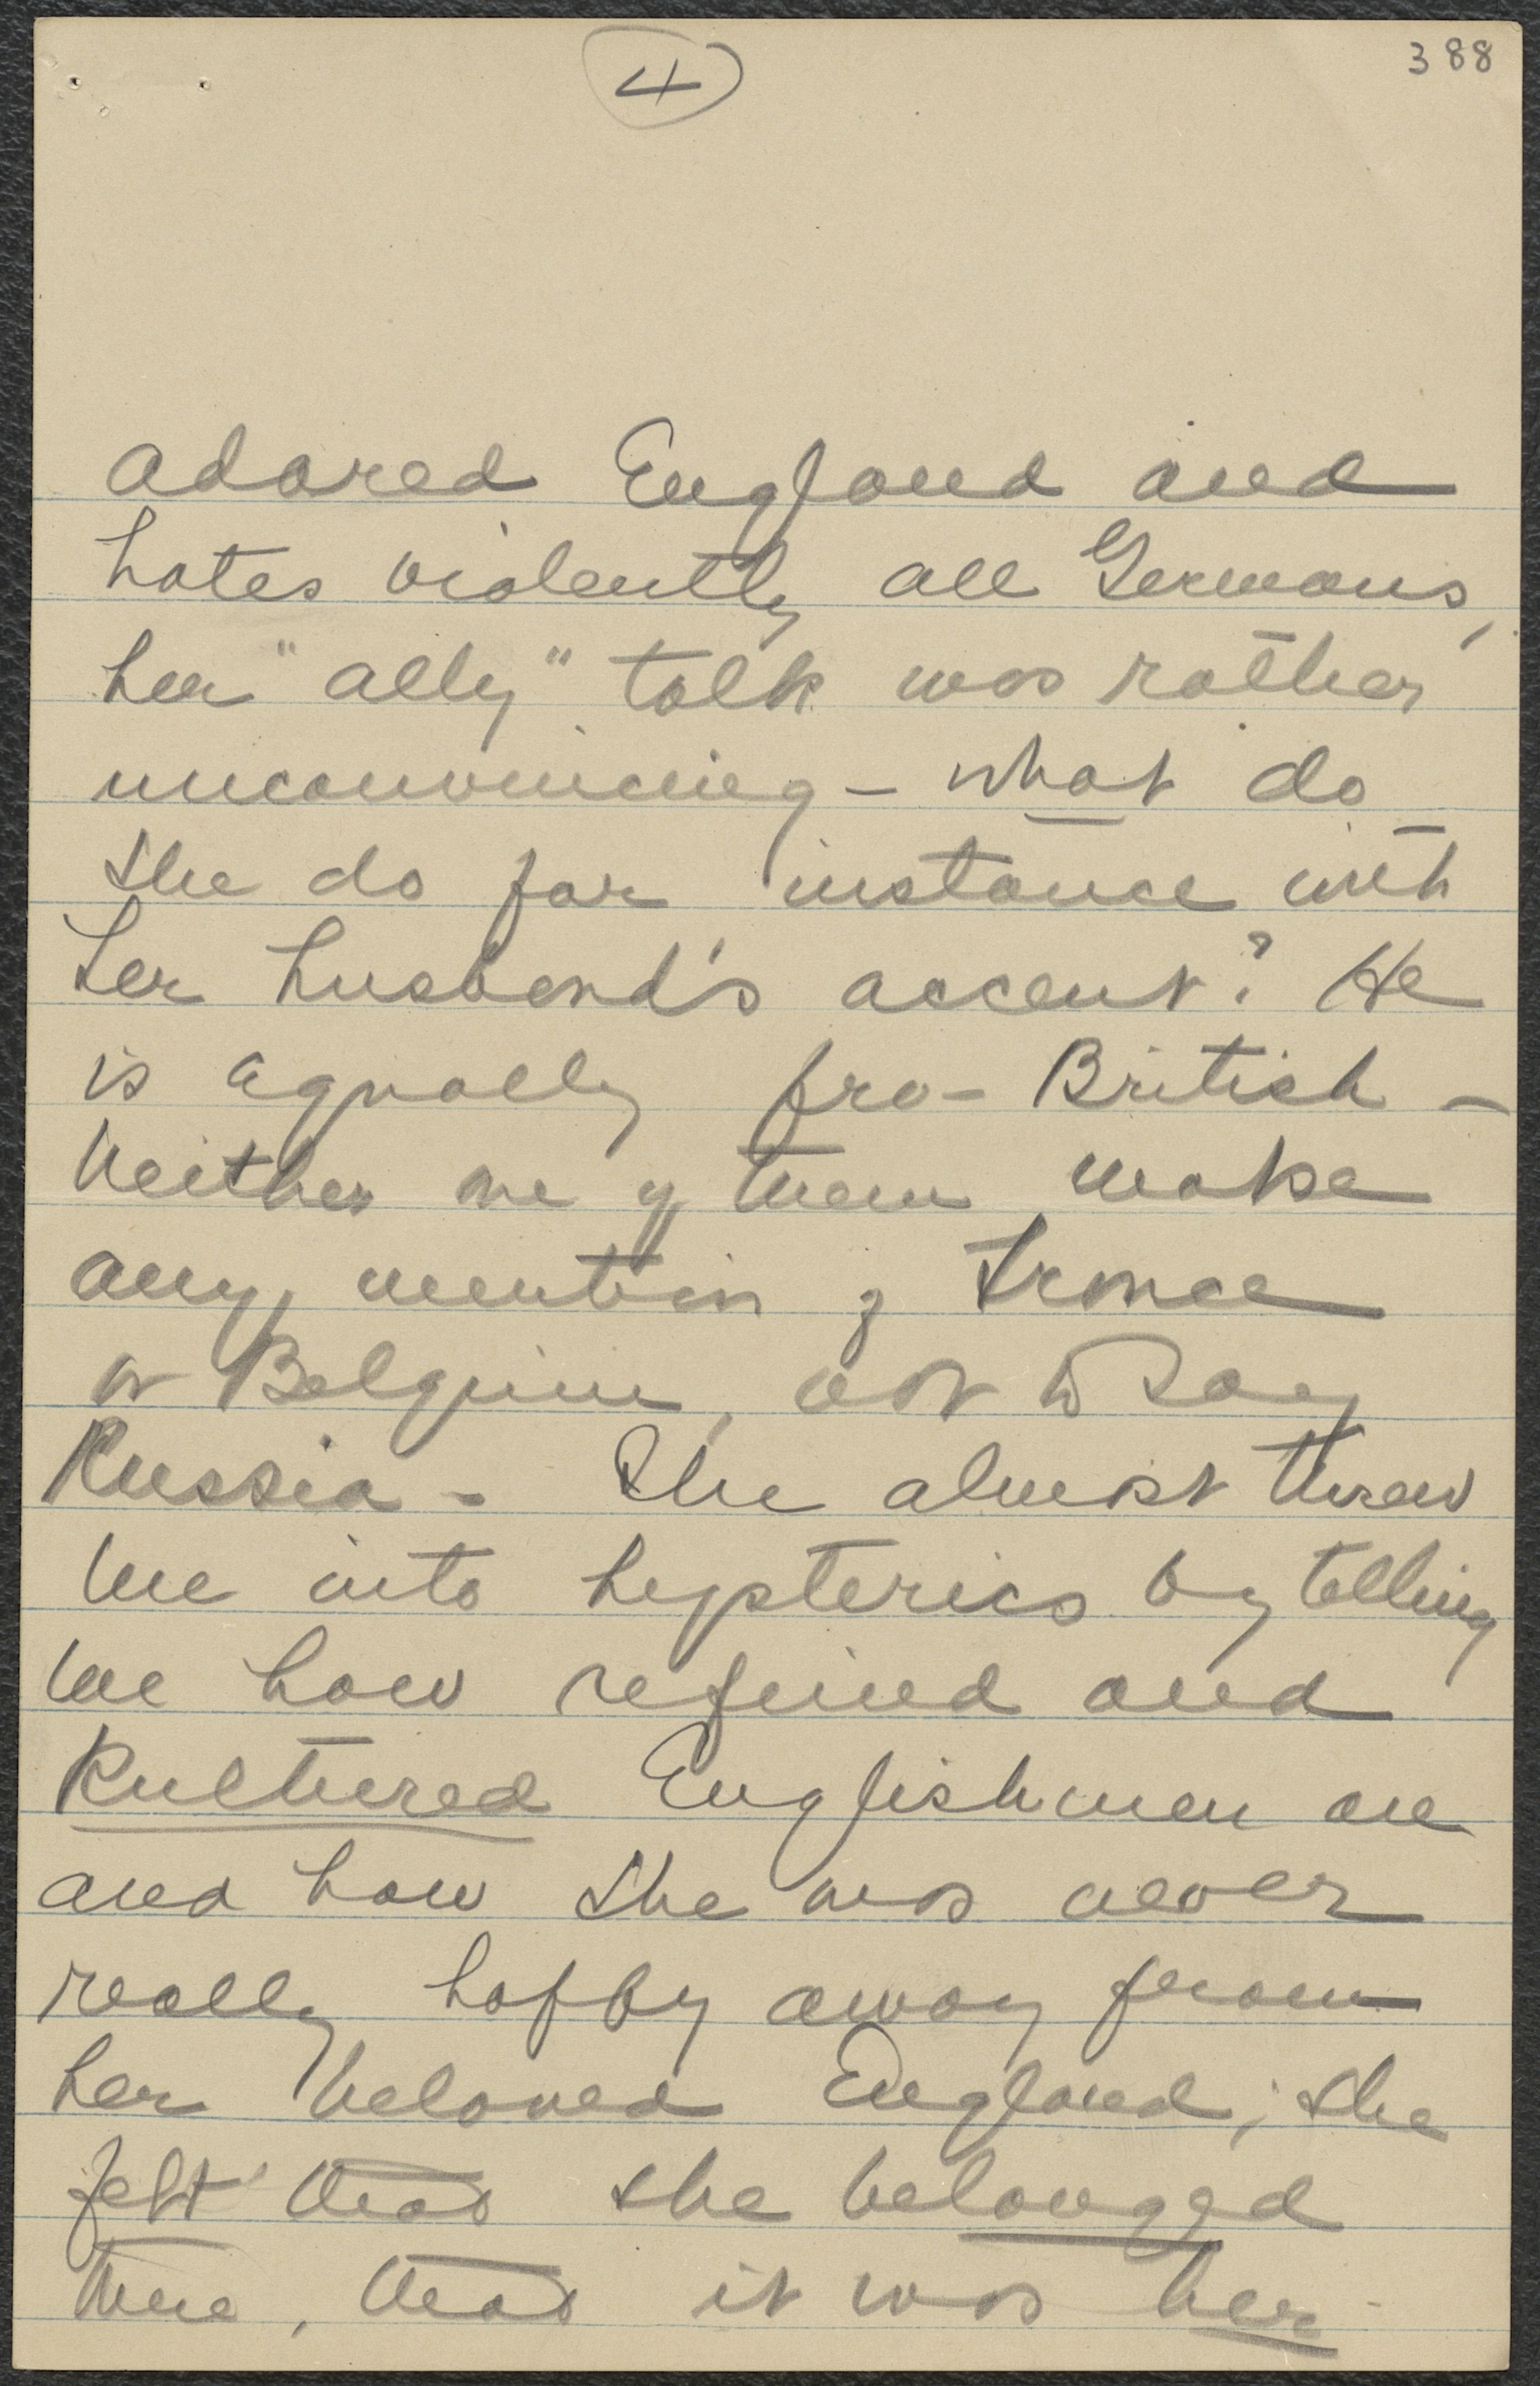adored England and hates violently all Germans her “ally” talk was rather unconvincing – what do [sic] she do for instance with her husband’s accent? He is equally pro-British – neither one of them make any mention of France or Belgium not to say Russia He almost threw me into hysterics by telling me how refined and kultured [sic] Englishmen are and how she was never really happy away from her beloved England; she felt that she belonged there. that it was her